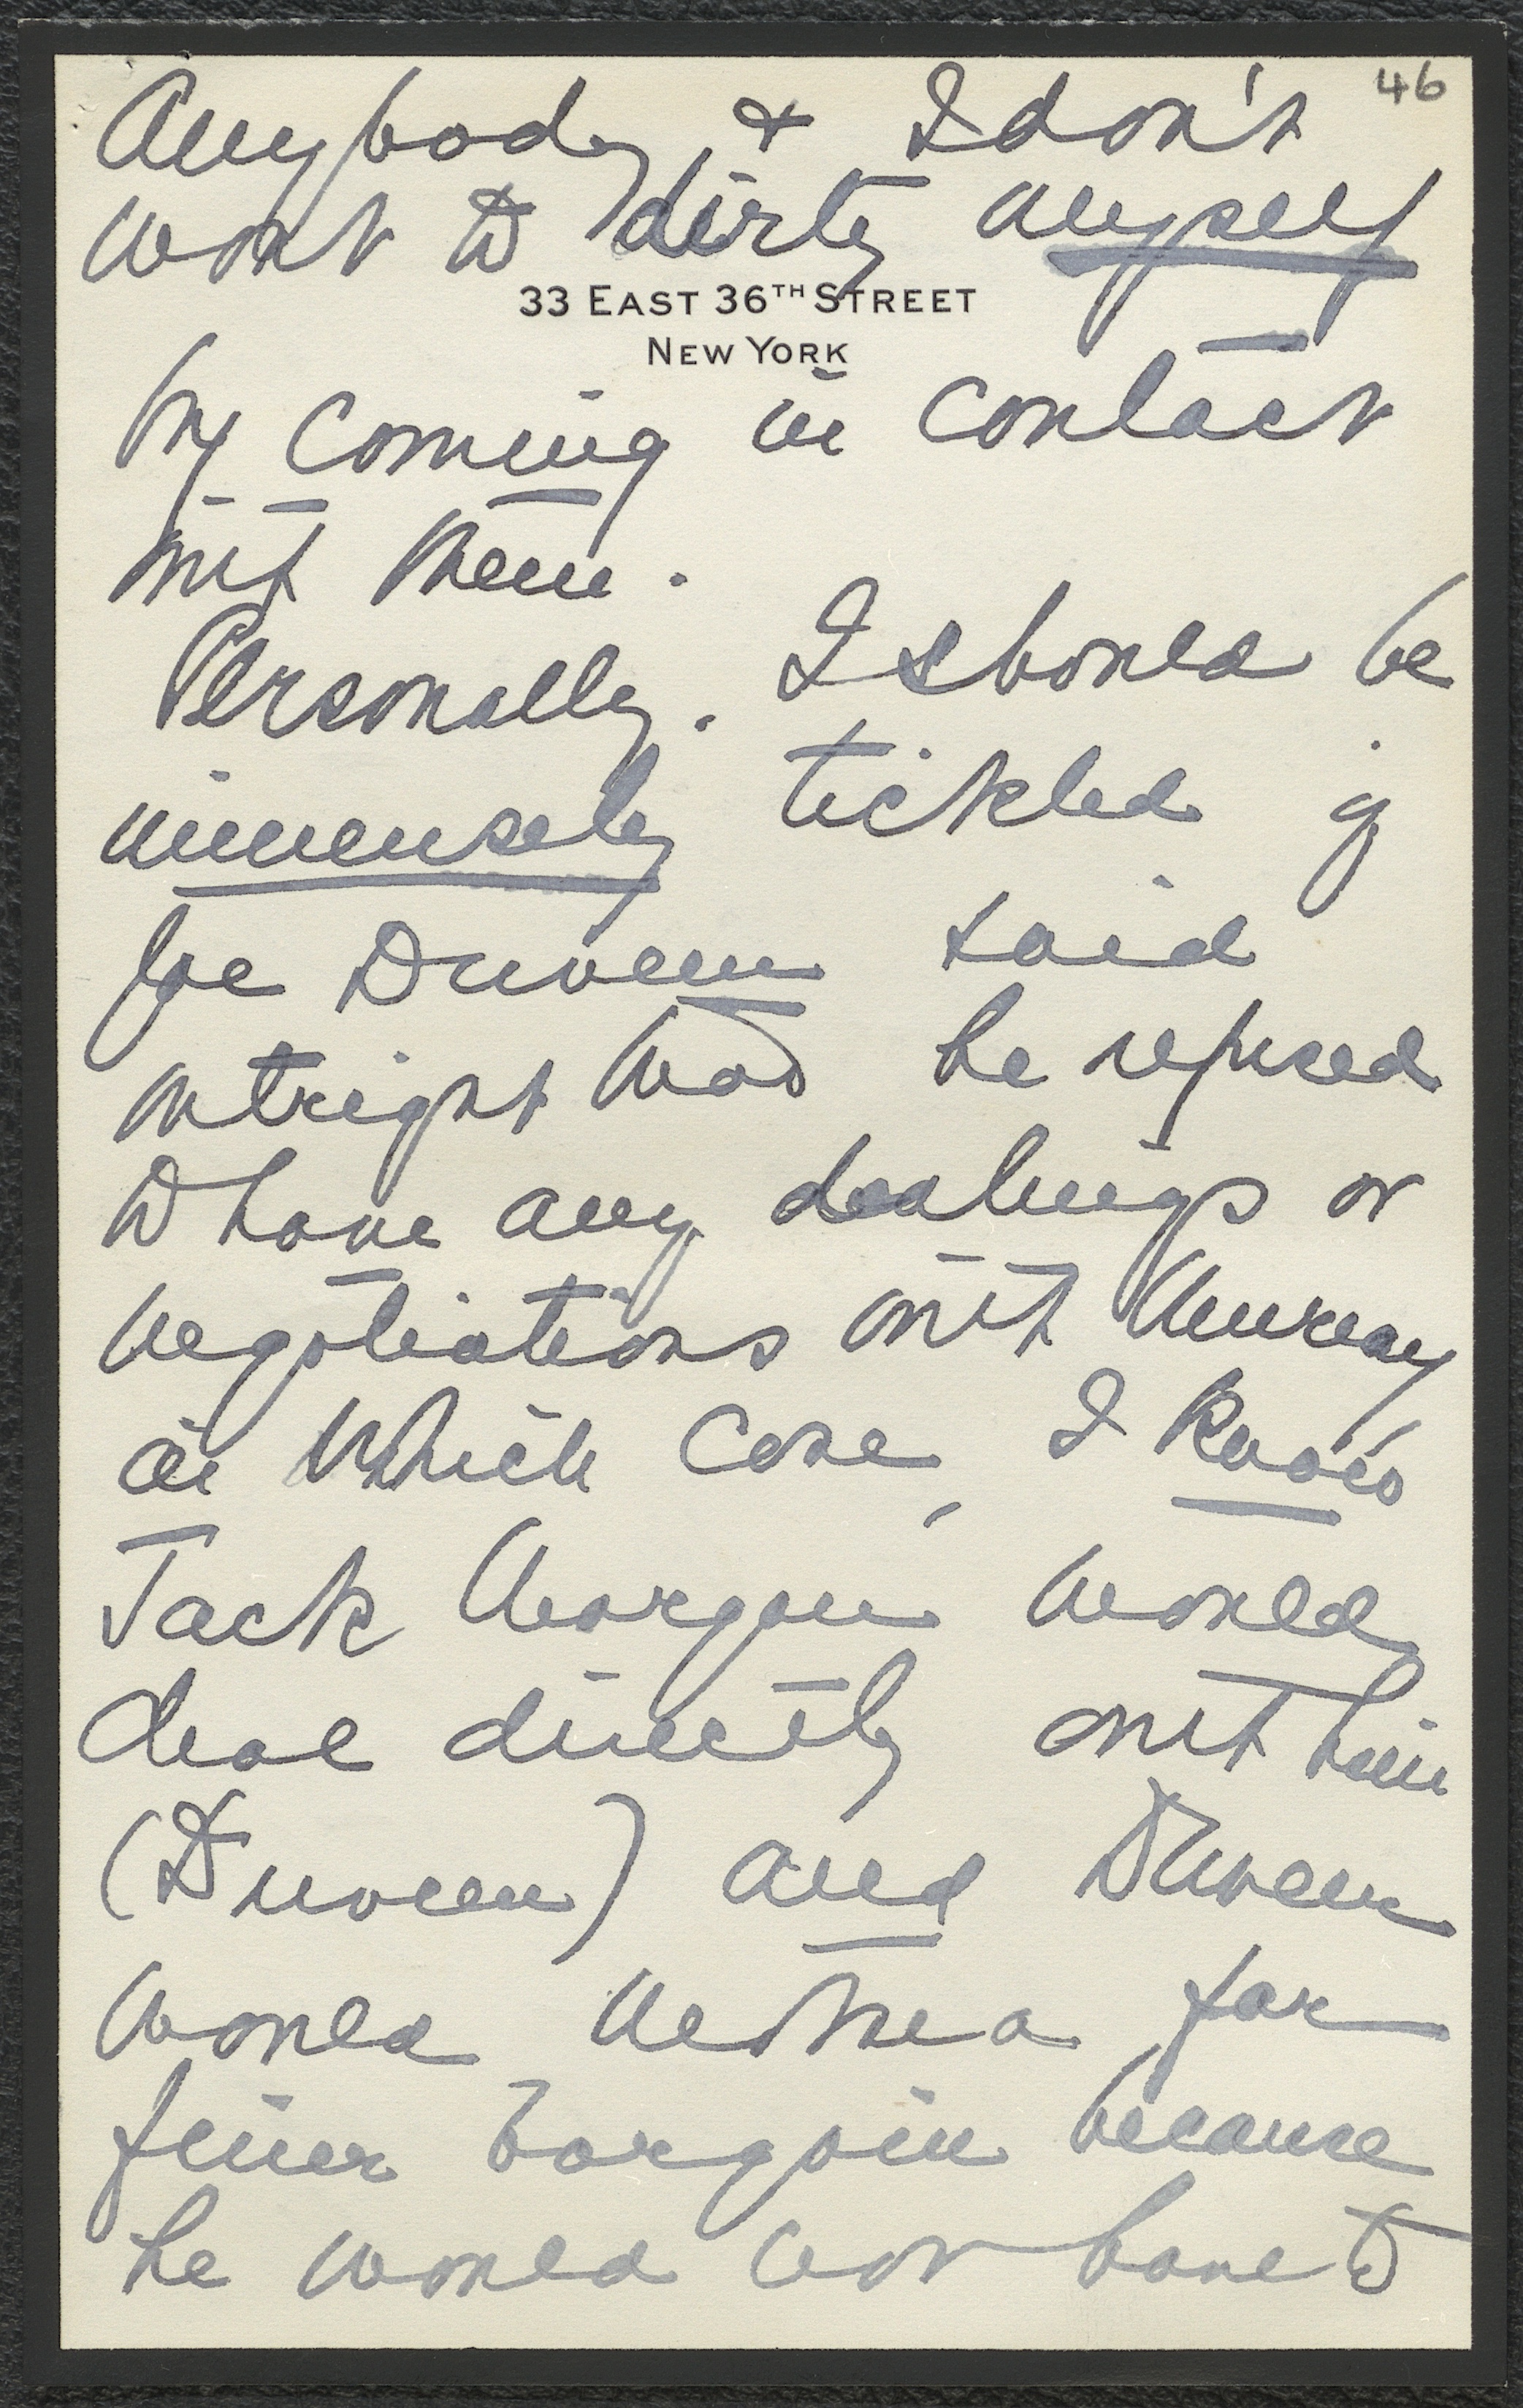anybody & I don’t want to dirty myself by coming in contact with them.
Personally, I should be immensely tickled if Joe Duveen said outright that he refused to have any dealings or negotiations with Murray, in which case, I know Jack Morgan would deal directly with him (Duveen) and Duveen would make a far finer bargain because he would not have to